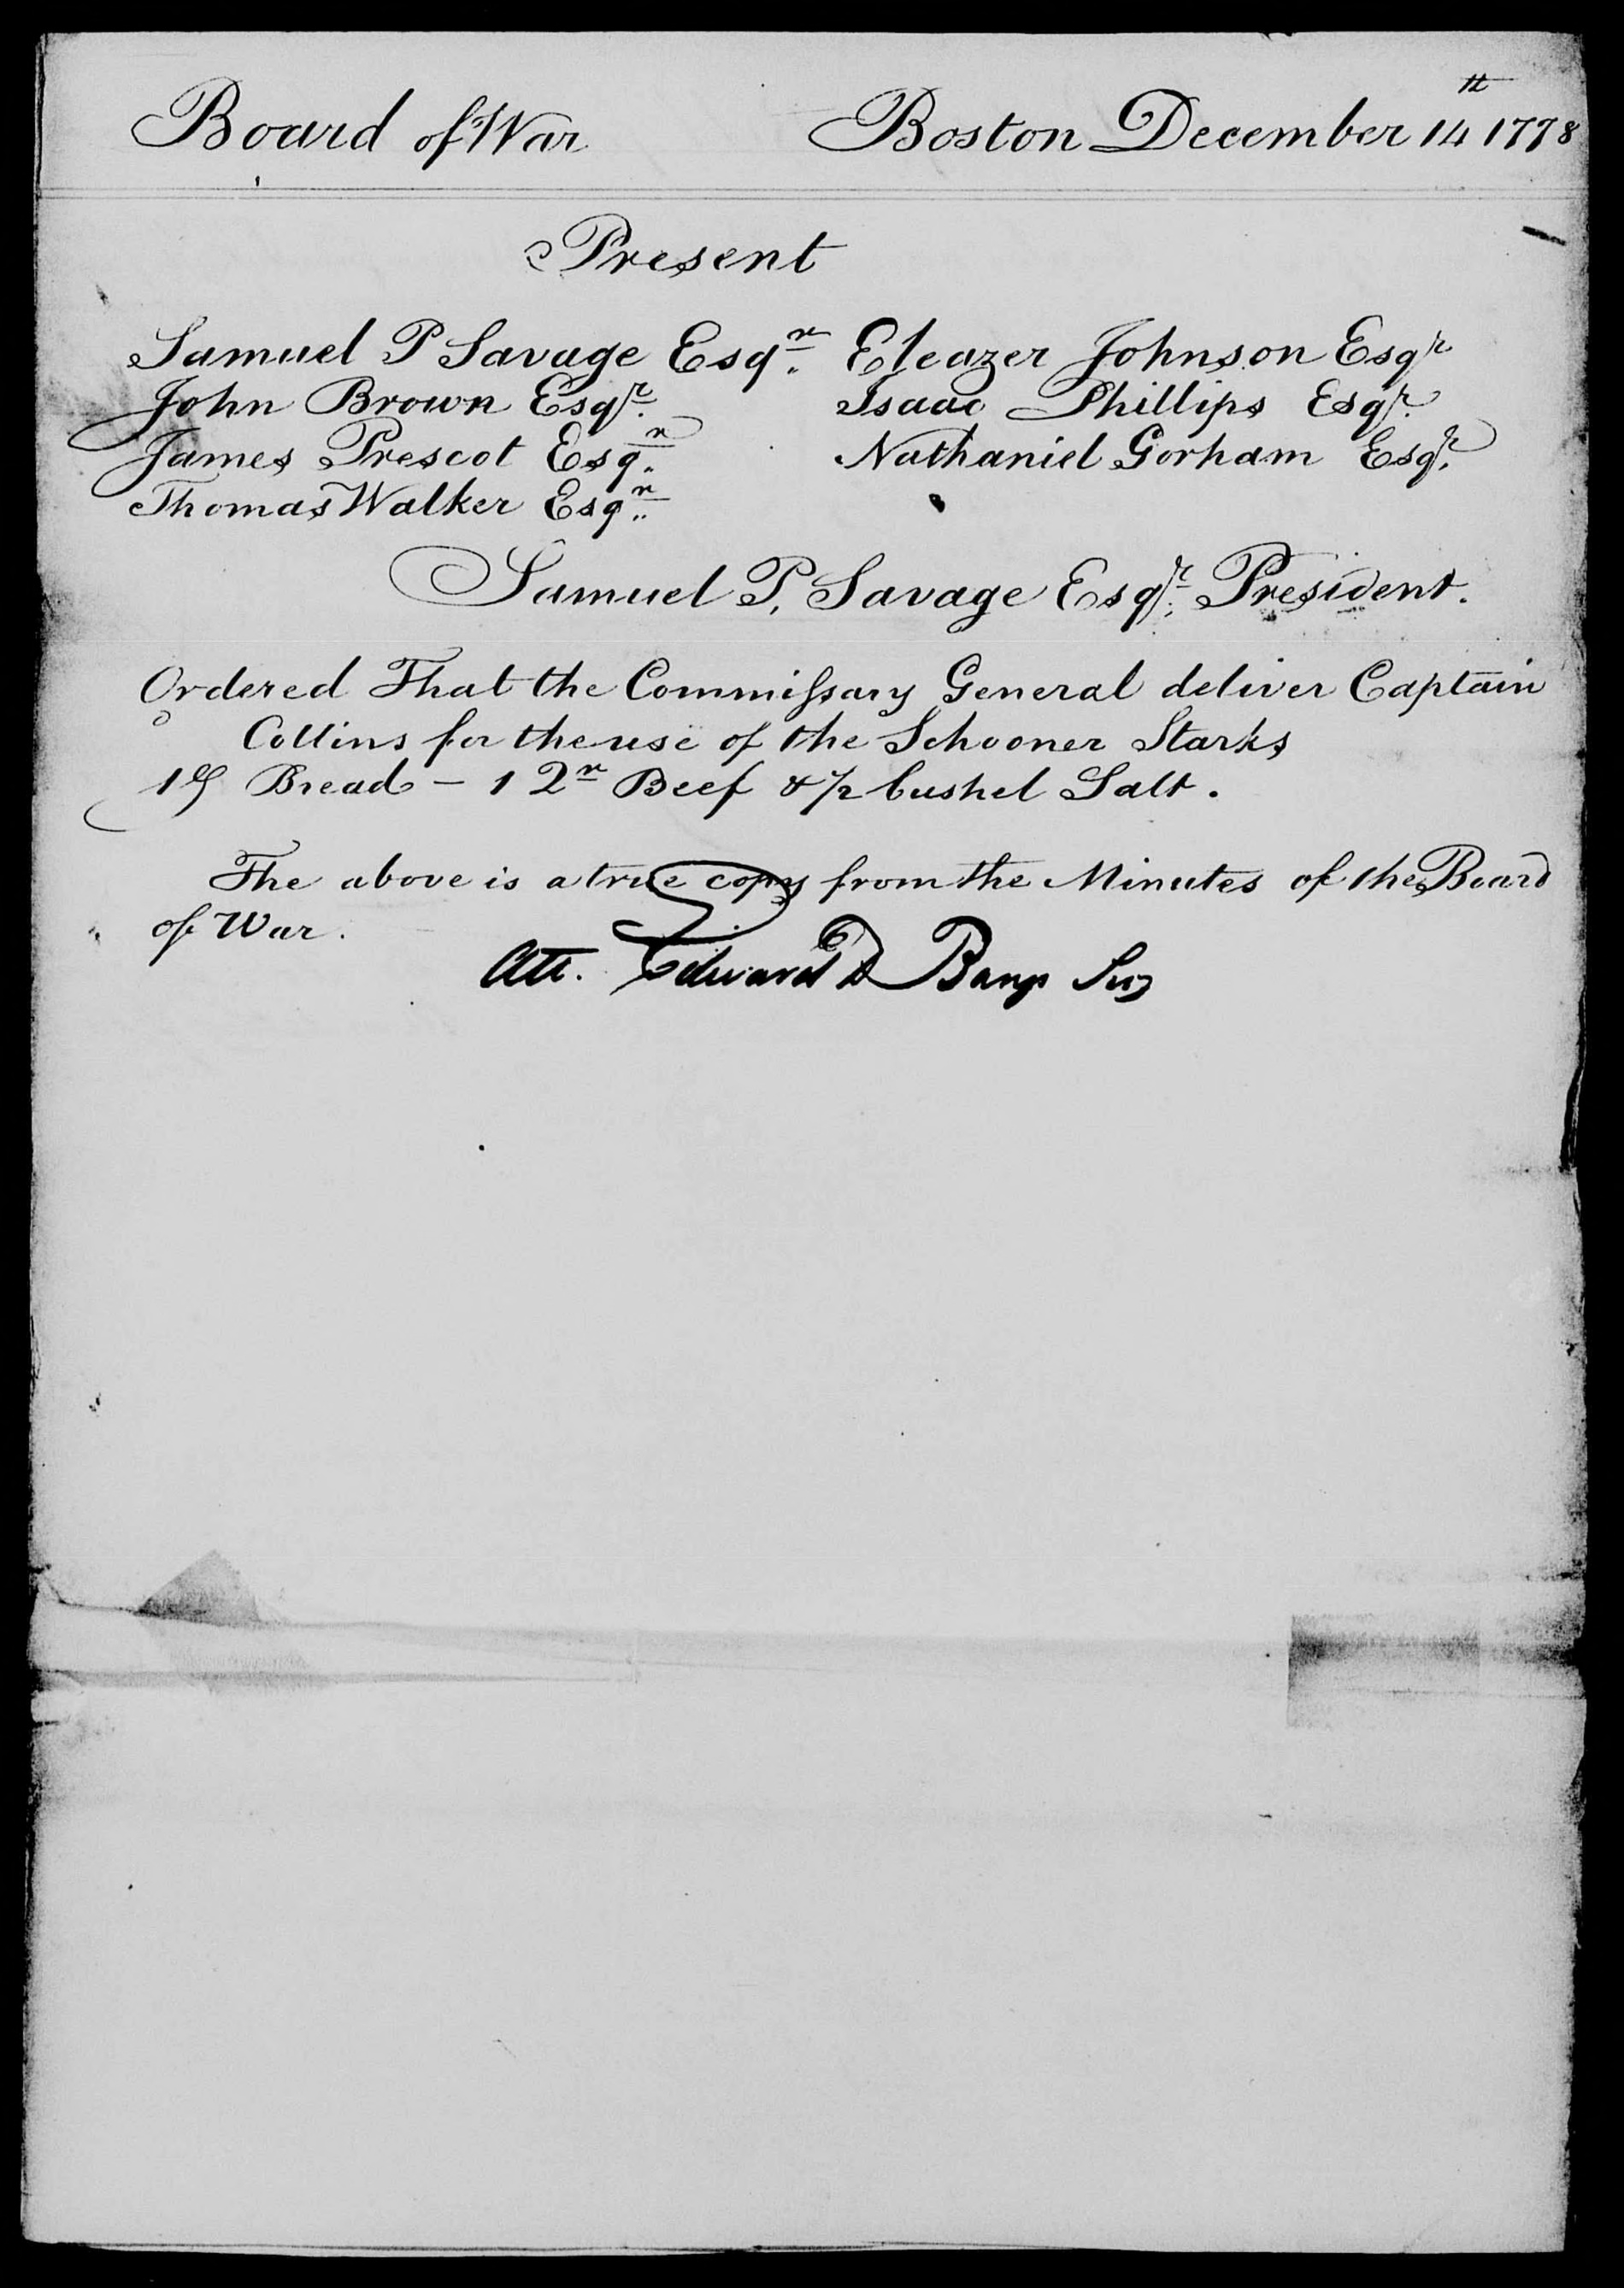Board of War Boston December 14 1798 
-----------
Present 
Samuel P Savage Esq 
John Brown Esqr 
Eleazer Johnson Esqr 
James Prescot Esqr 
Thomas Walker Esqr 
Isaac Phillips Esqr 
Nathaniel Gorham Esq. 

Samuel P. Savage Esqr President. 
Ordered That the Commissary General deliver Captain Collins for the use of the Schooner Starks 19 Bread - 12 Beef & ½ Bushel Salt 

The above is a true copy from the Minutes of the Board of War. 
Att Edward D. Bangs Secy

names: James Prescot, Eleazer Johnson, Smauel P Savage, Edward D Bangs, Thomas Walker, Nathaniel Gorham, Isaac Phillips, Collins, John Brown, Samuel P Savage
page: 22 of 43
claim: survivor's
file: S. 29,732, John Collins, Mass. Navy